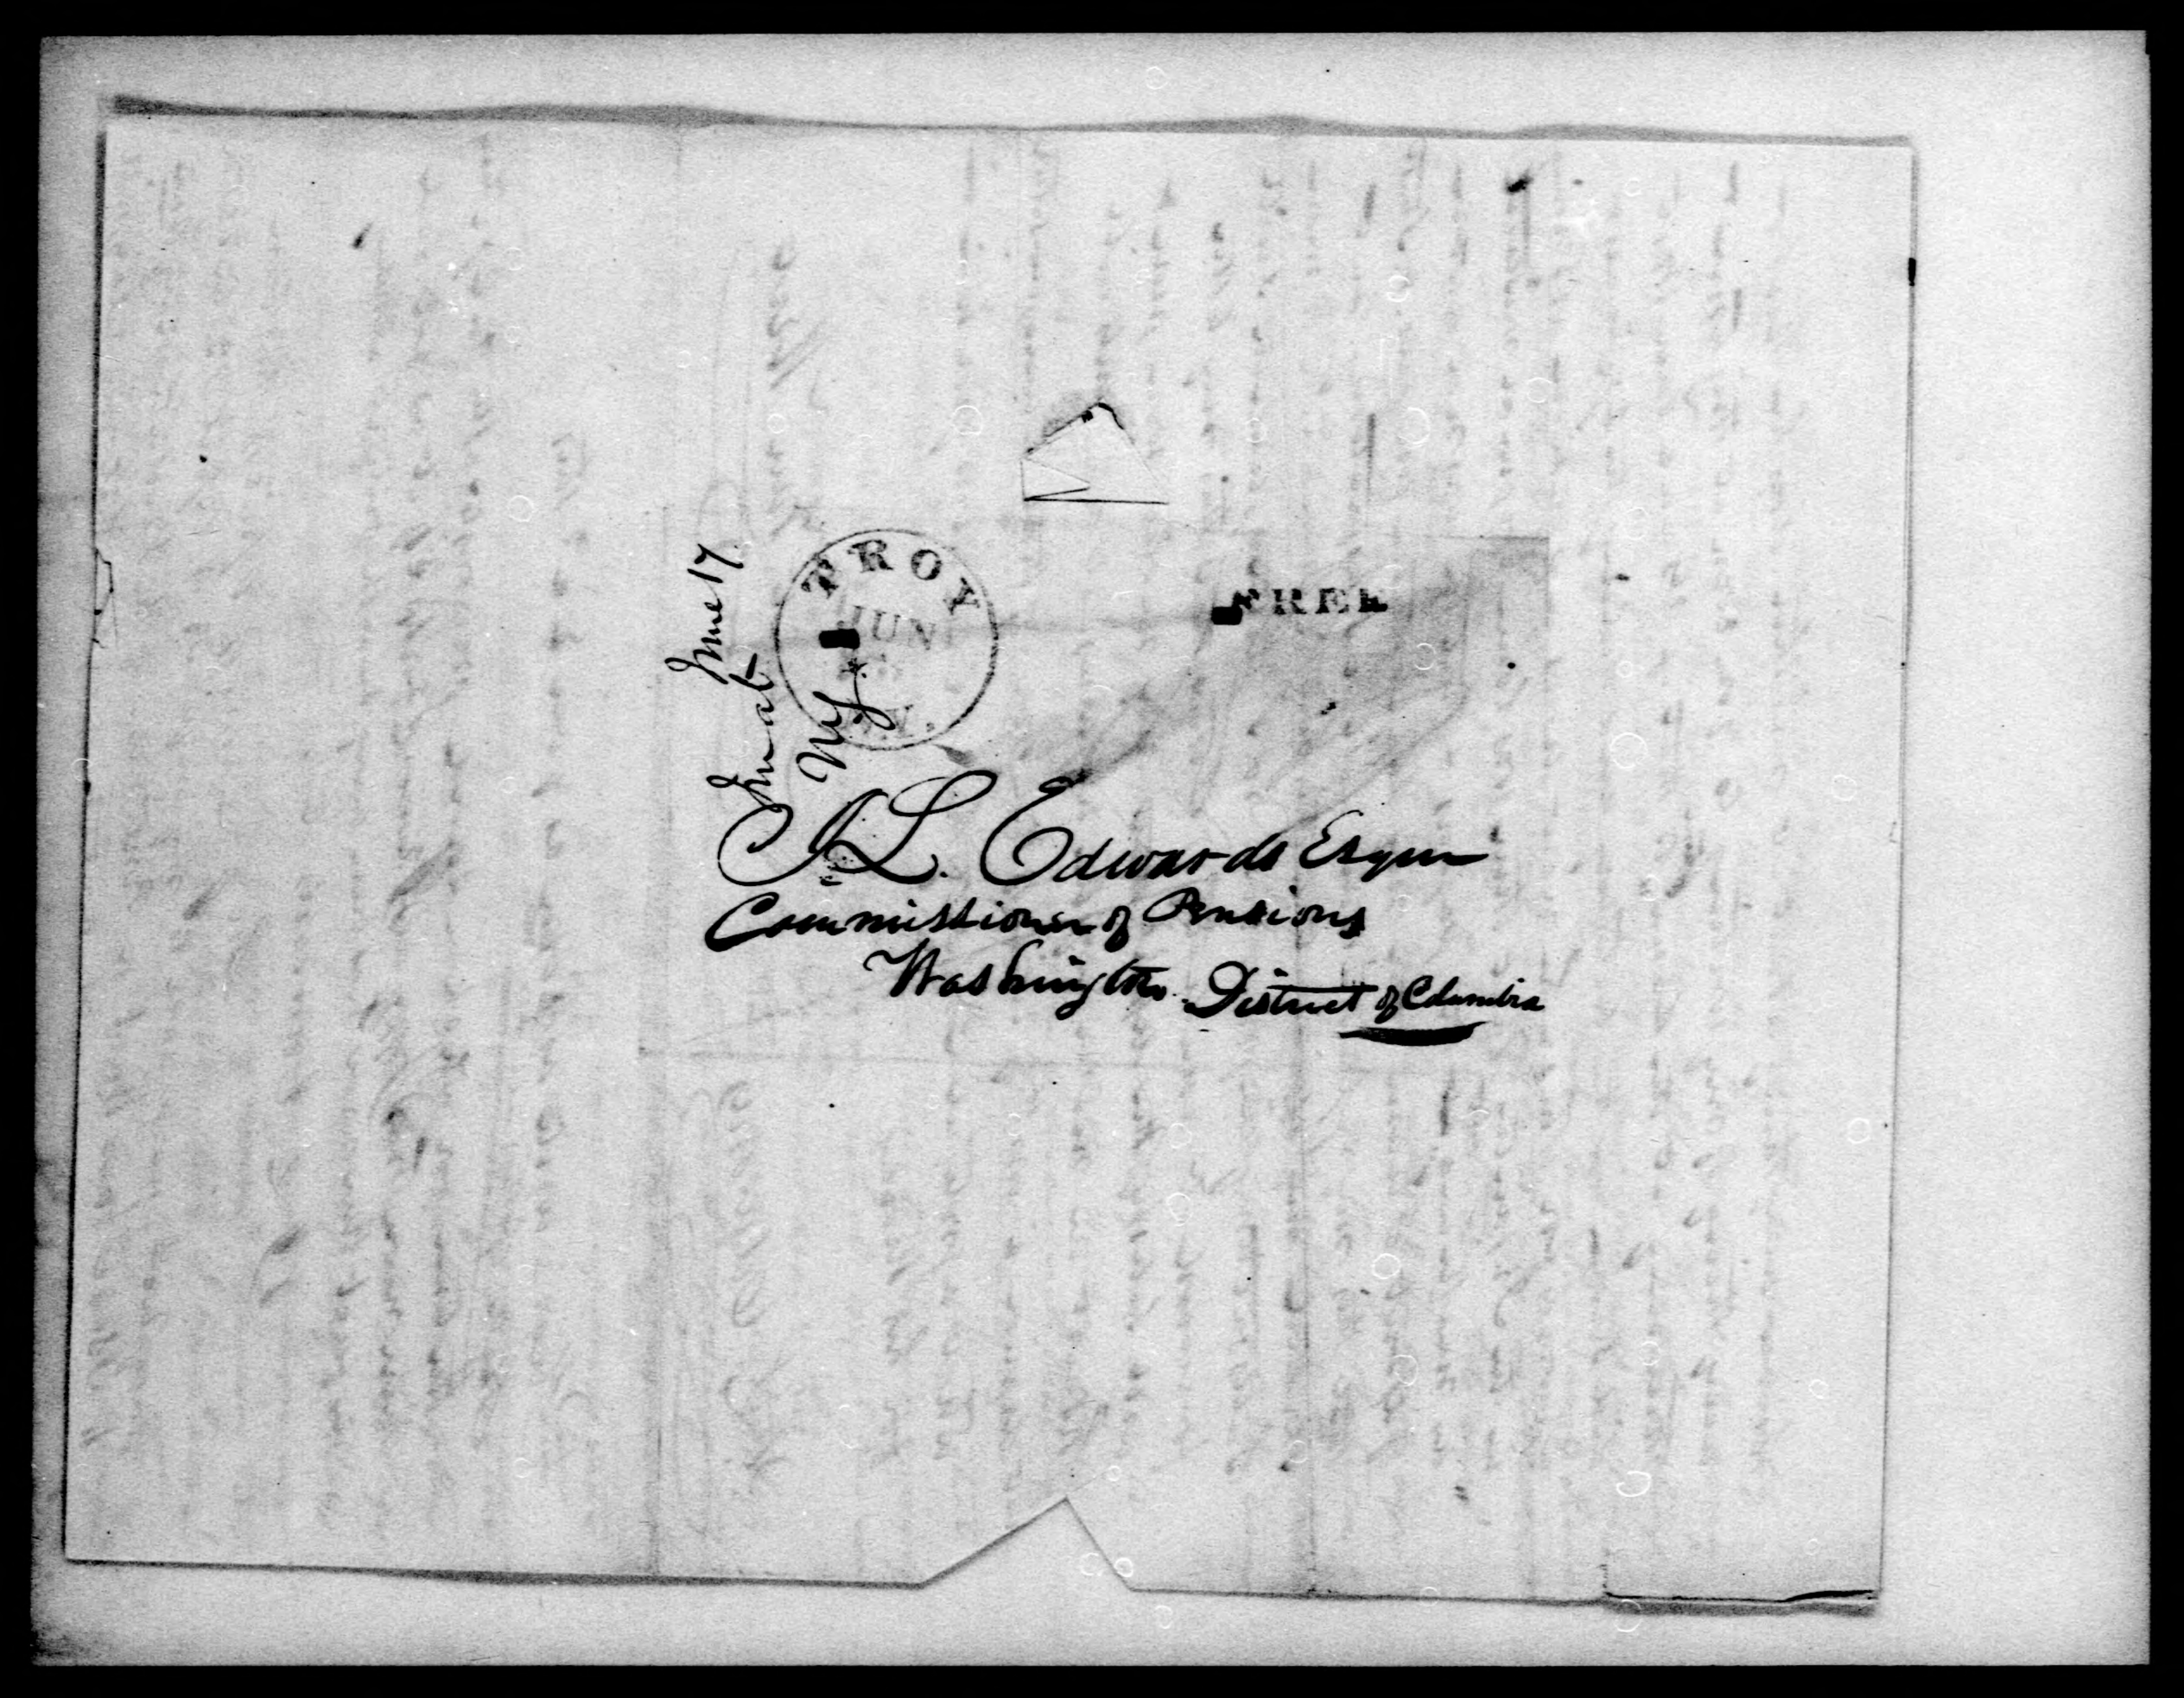J. L. Edwards Esquire
Commissioner of Pensions
Washington District of Columbia

June 17 Jm at N.Y.

[postmarked Troy N.Y. Jun {date illegible}]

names: J L Edwards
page: 66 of 102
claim: widow's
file: W. 18239, Isaac Van Wart, New York